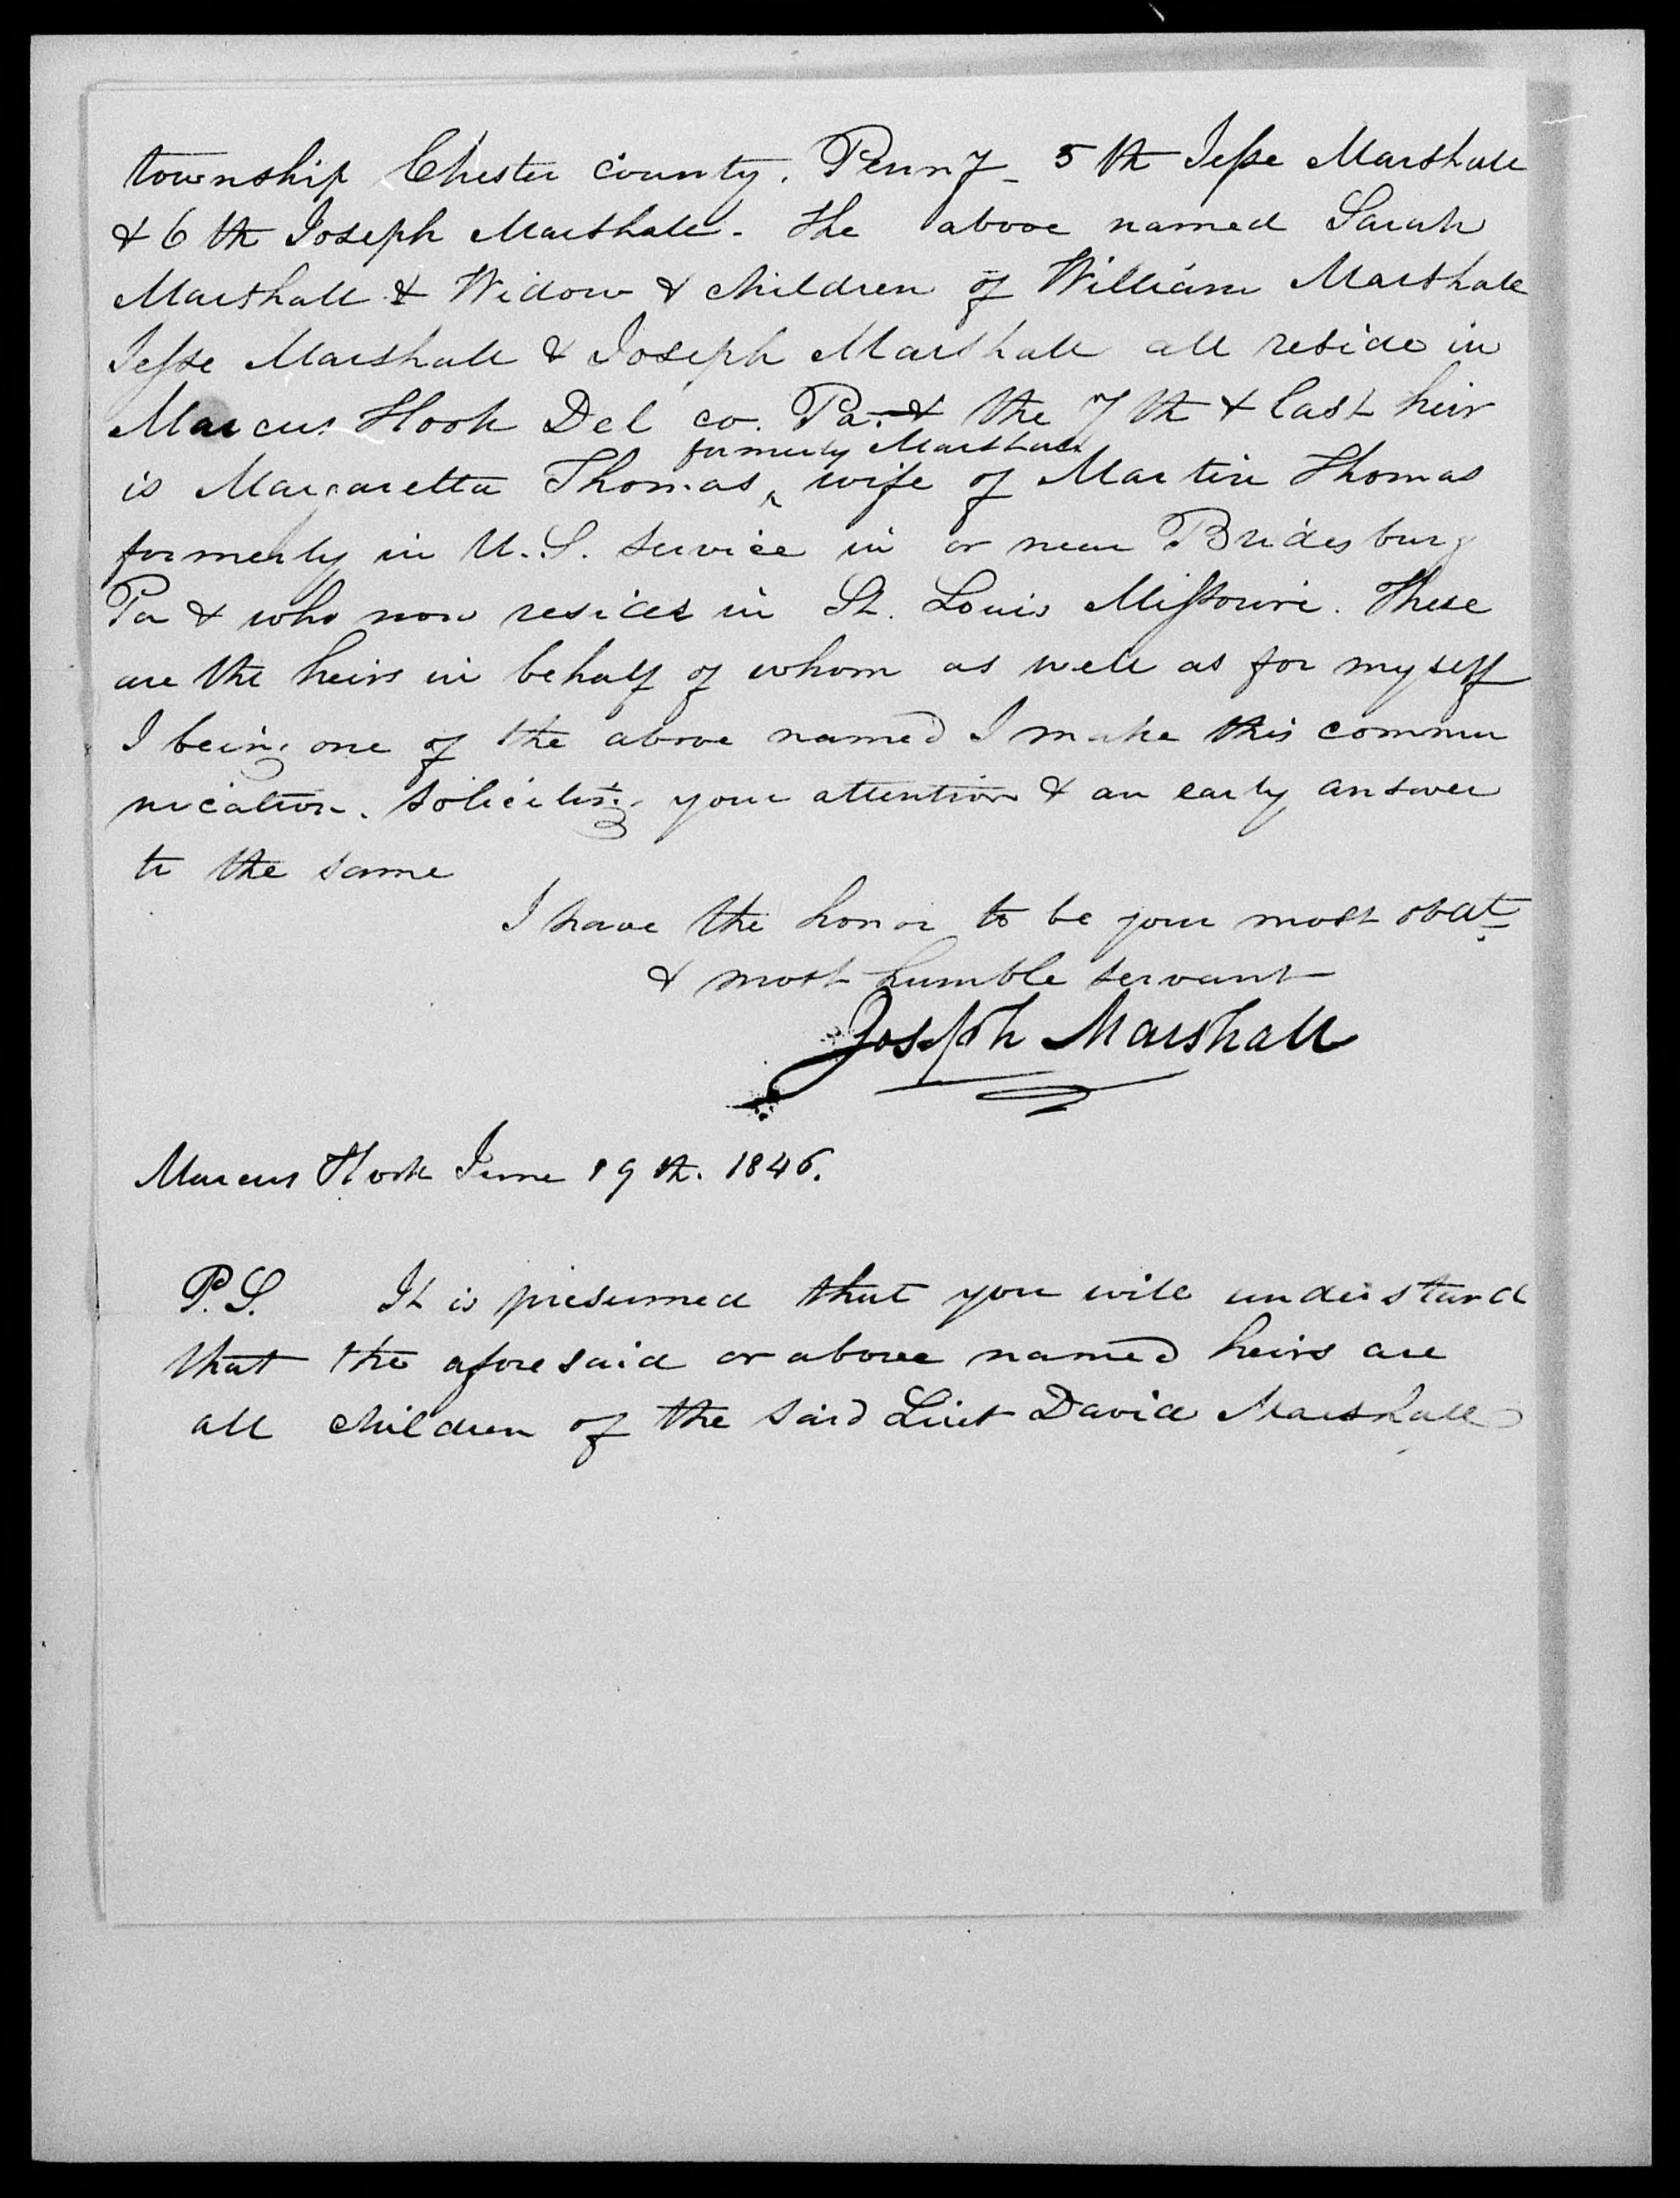township Chester county Penns. 5th Jesse Marshall & 6th Joseph Marshall. The above named Sarah Marshall & widow & children of William Marshall Jesse Marshall & Joseph Marshall all reside in Marcus Hook Del Co PA & the 7th & last heir is Margaretta Thomas formerly Marshall wife of Martin Thomas formerly in M. [ineligible] service in or near Bridesburg, PA & who now resides in St. Louis Missouri. These are the heirs in behalf of whom as well as for myself I being one of the above named I make this communication soliciting your attention & am early [ineligible] to the same
I have the honor to be your most obdt. & most humble servant
Joseph Marshall

Marcus Hook June 19th 1846

P.S. It is presumed that you will understand that the aforesaid or above named heirs are all children of the said Leut David Marshall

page: 83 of 86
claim: widow's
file: W. 3571, for David Marshall, Pennsylvania